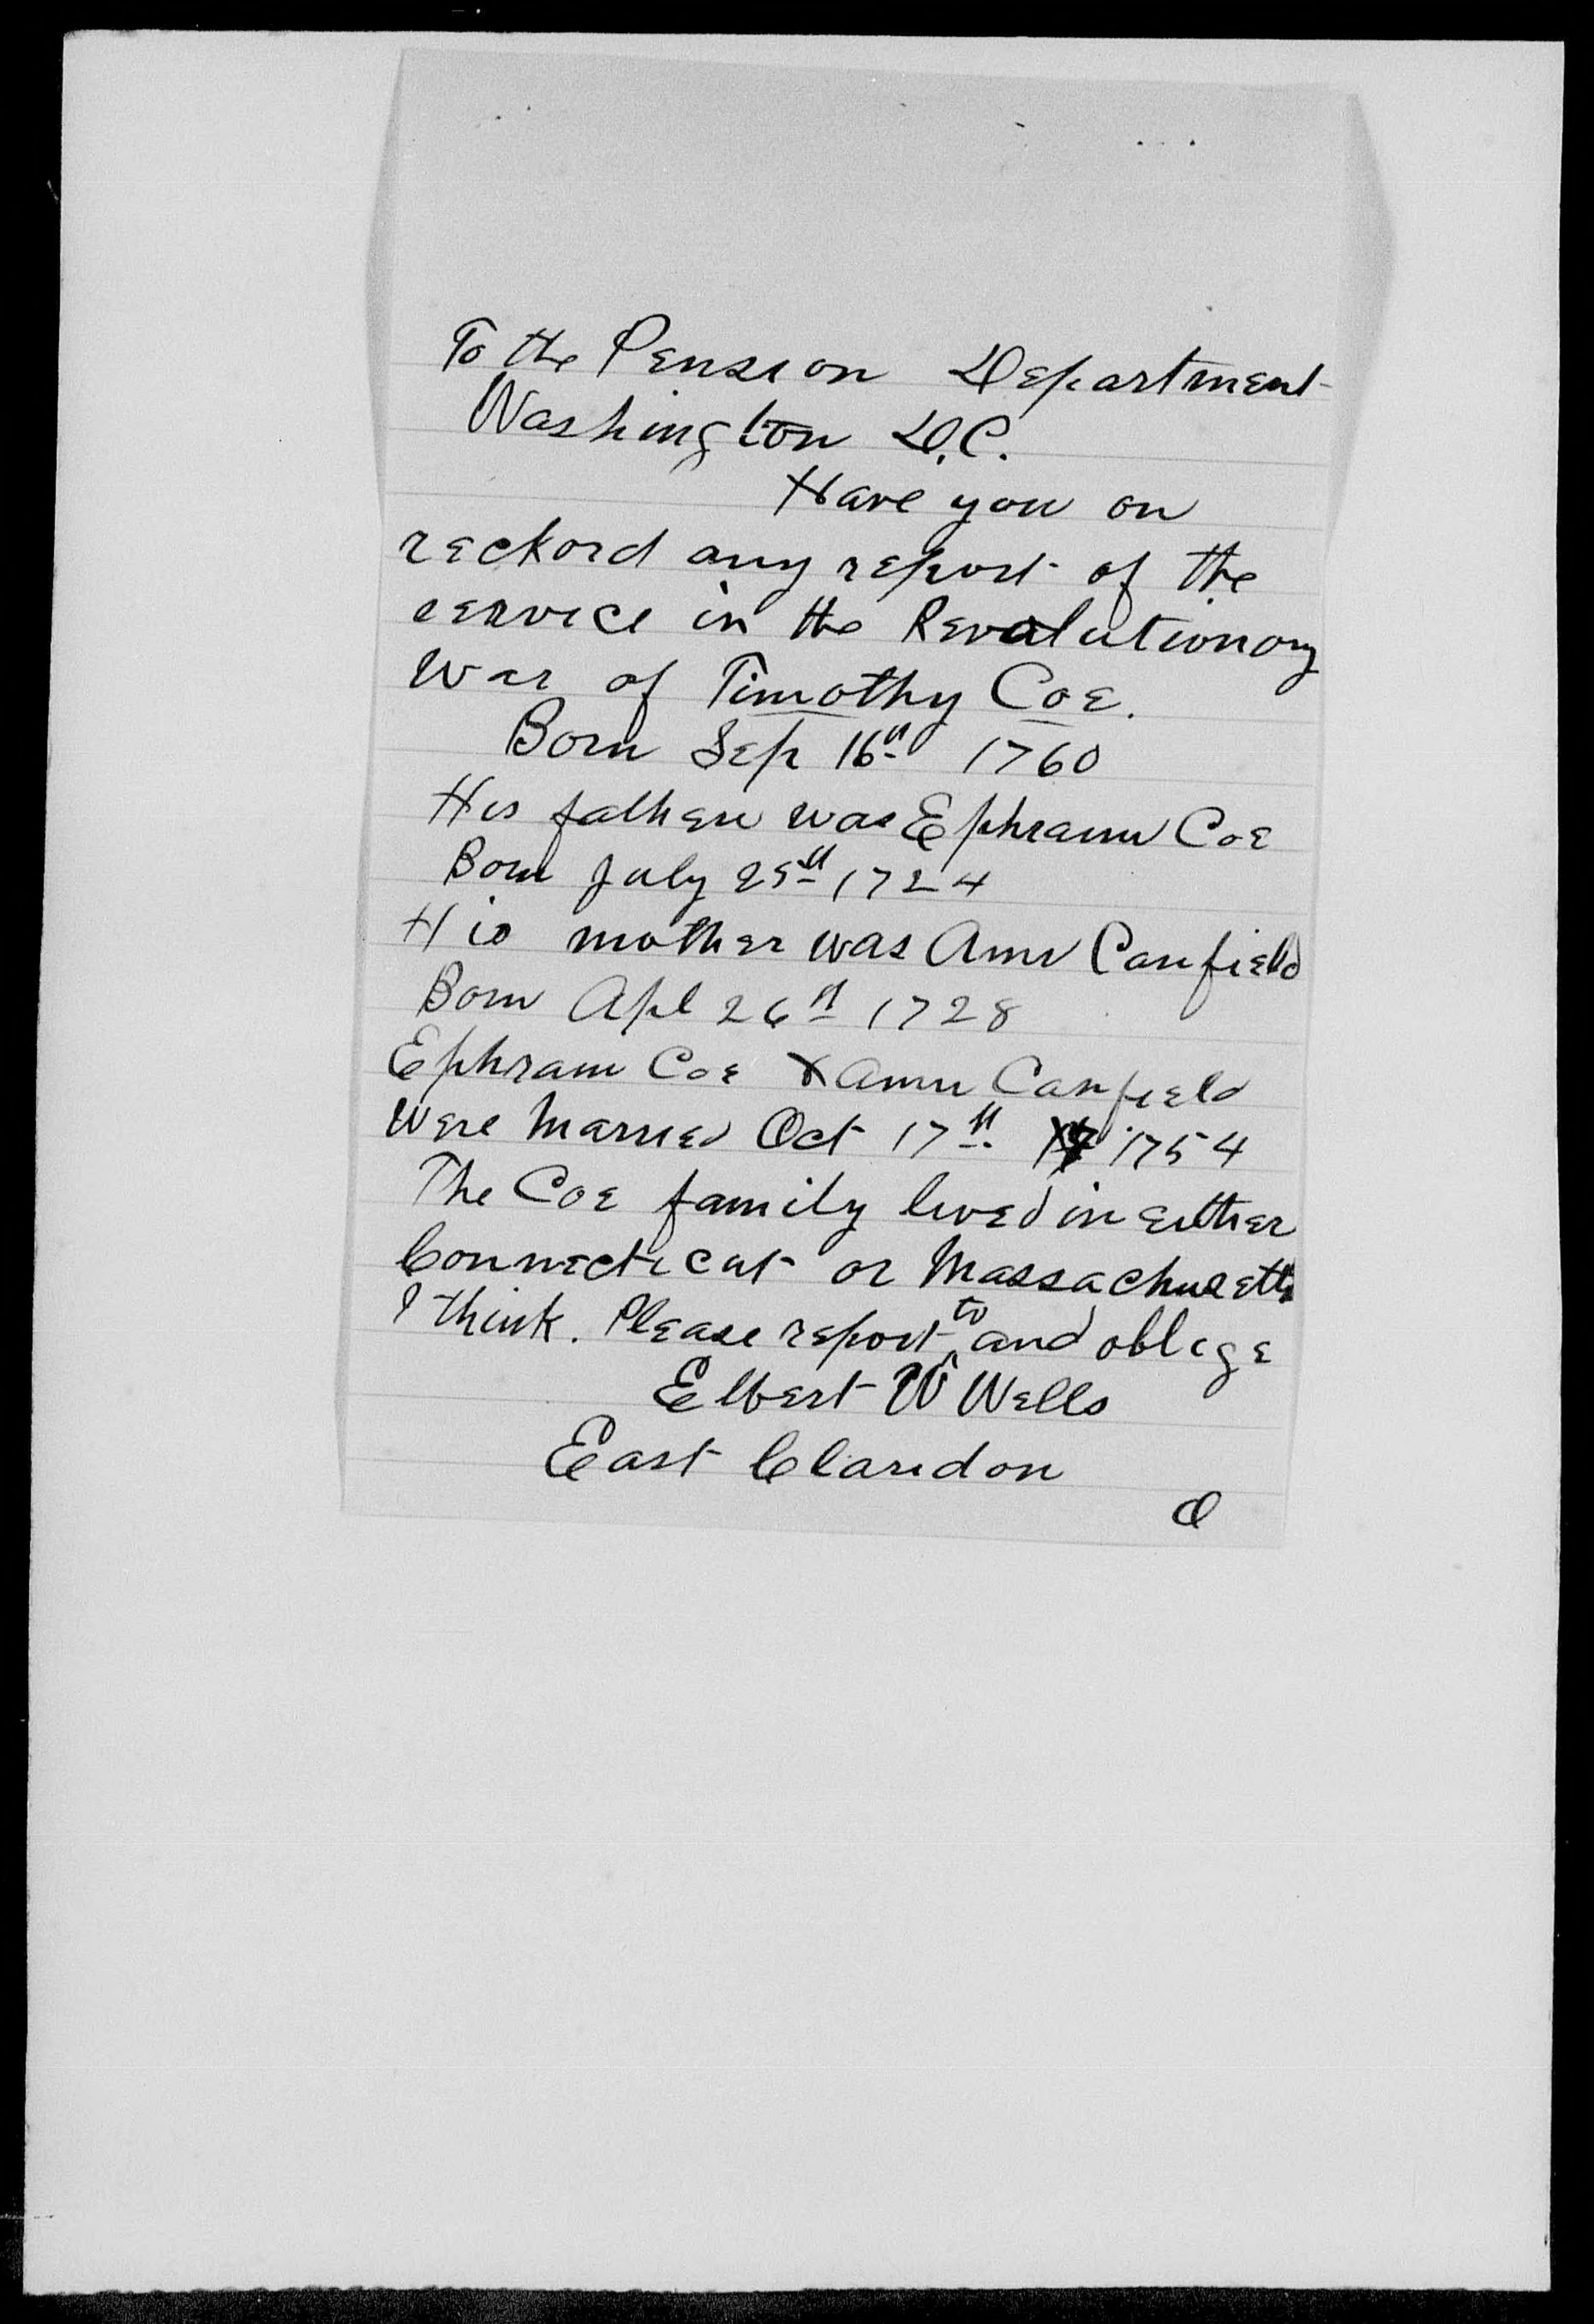To the Pension Department 
Washington, DC
Have you on reckord any reference of the service in the Revolutionary War of Timothy Coe.
Born Sep 16th 1760
His father was Ephraim Coe
Born July 25th 1724
His mother was Ann Canfield
Born Apr 26th 1728
Ephraim Coe Ann Canfield were married Oct 17th 1754
The Coe family lived in either Connecticut or Massachusetts I think.  Please report to and oblige
Elbert W Wells
East Claridon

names: Ephraim Coe, Ephraim Coe, Elbert W Wells, Timothy Coe, Coe, Ann Canfield, Ann Canfield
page: 73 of 76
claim: widow's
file: W. 5,250, Timothy Coe, Conn.